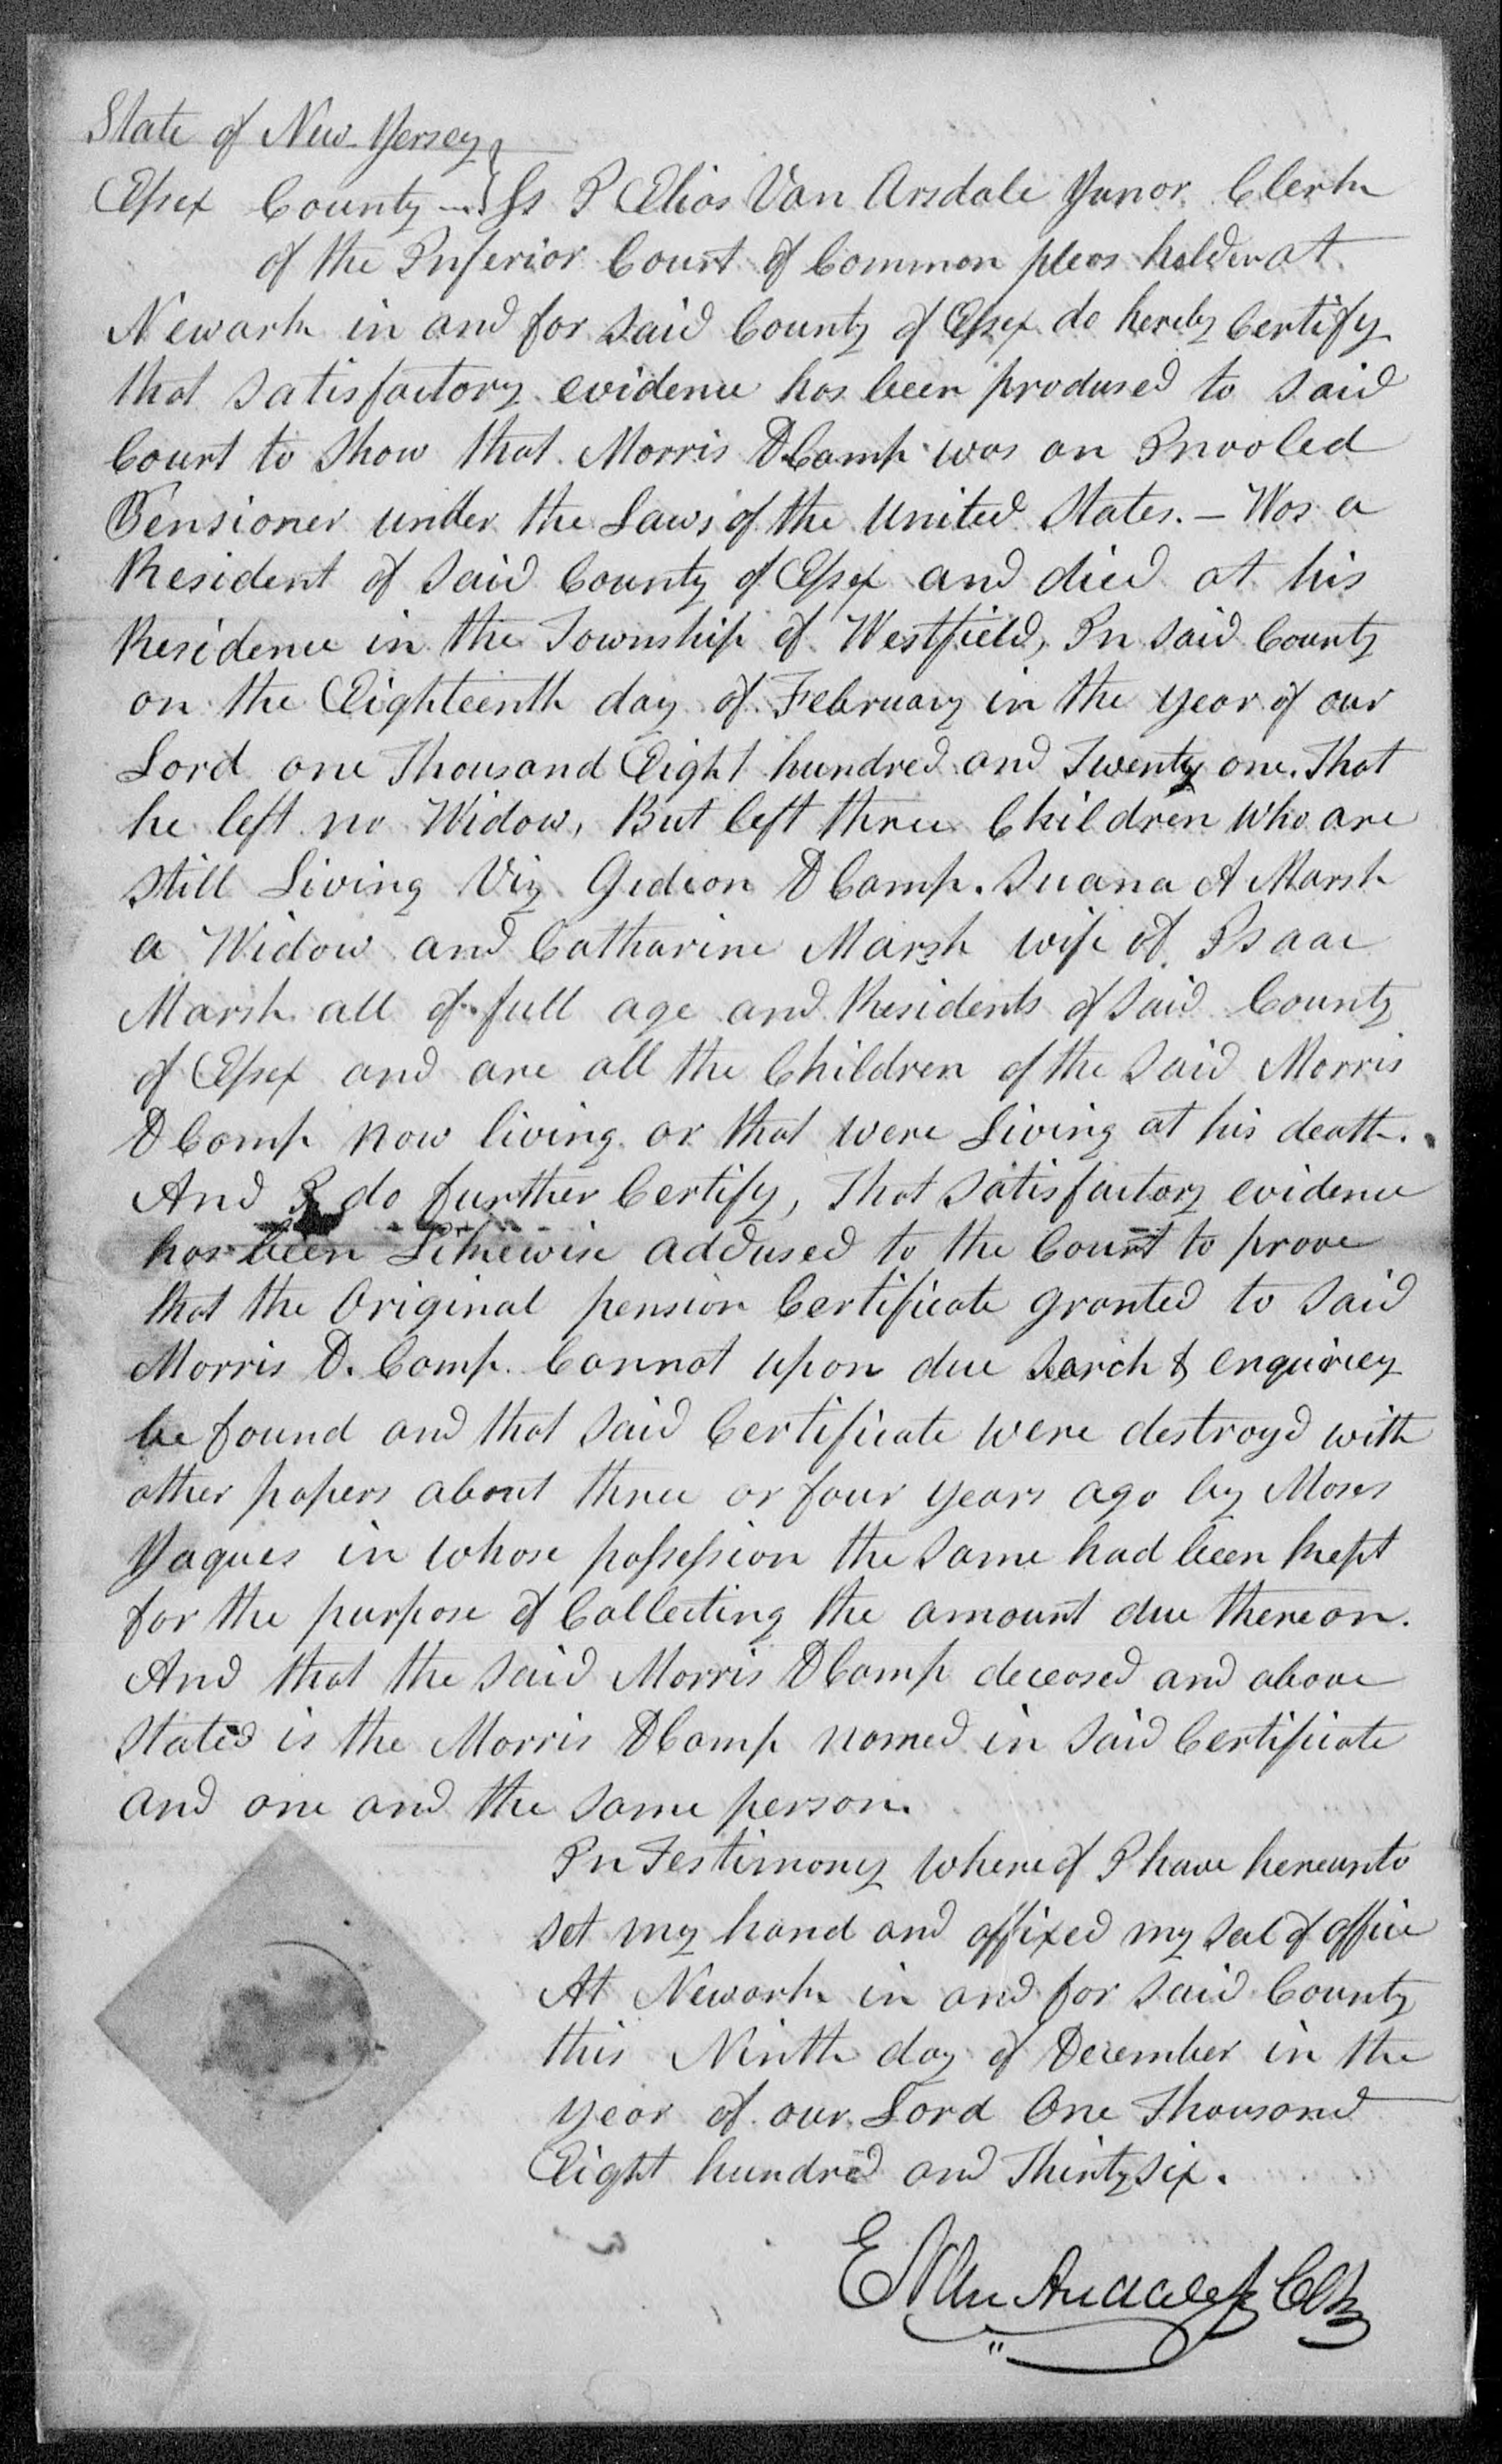State of New Jersey Essex County Ss
Elias Van Arsdale Junior Clerk of the Inferior Court of Common pleas held at Newark in and for said county of Essex do hereby certify that satisfactory evidence has been produced to said court to show that Morris D.Camp was an Invalid Pensioner under the Laws of the United States. - Was a Resident of said county of Essex and died at his Residence in the Township of Westfield, in said county on the Eighteenth day of February in the year of our Lord one thousand eight hundred and twenty one, that he left ho widow, But left three children who are still living, viz: Gideon D Camp, Sana A Marsh a widow and Catharine Marsh wife of Isaac Marsh all of full age and resident of said county of Essex and are all the children of the said Morris D Camp now living, or that were living at his death.  And I do further certify, that satisfactory evidence has been likewise addressed to the Court to prove that the original pension certificate granted to said Morris D. Camp cannot upon due search of enquiry be found and that said Certificate were destroyed with other papers about three or four years ago by Moses Jagues in whose possession the same had been kept for the purpose of collecting the amount due thereon. And that the said Morris D Camp deceased and above stated is the Morris D Camp named in said certificate and one and the same person. In testimony whereof I have hereunto set my hand and affixed my seal of office at Newark in and for said County this ninth day of December in the year of or Lord one thousand eight hundred and thirty six. E Van Arsdale, Clk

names: E Van Arsdale, Isaac Marsh, Morris D Camp, Suana A Marsh, Morris Yagues, Morris D Camp, Morris D Camp, Elias Van Arsdale, Morris D Camp, Morris D Camp, Catharine Marsh, Gideon D Camp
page: 16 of 52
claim: survivor's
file: S. 34172, Morris D Camp, Continental (New Jersey)